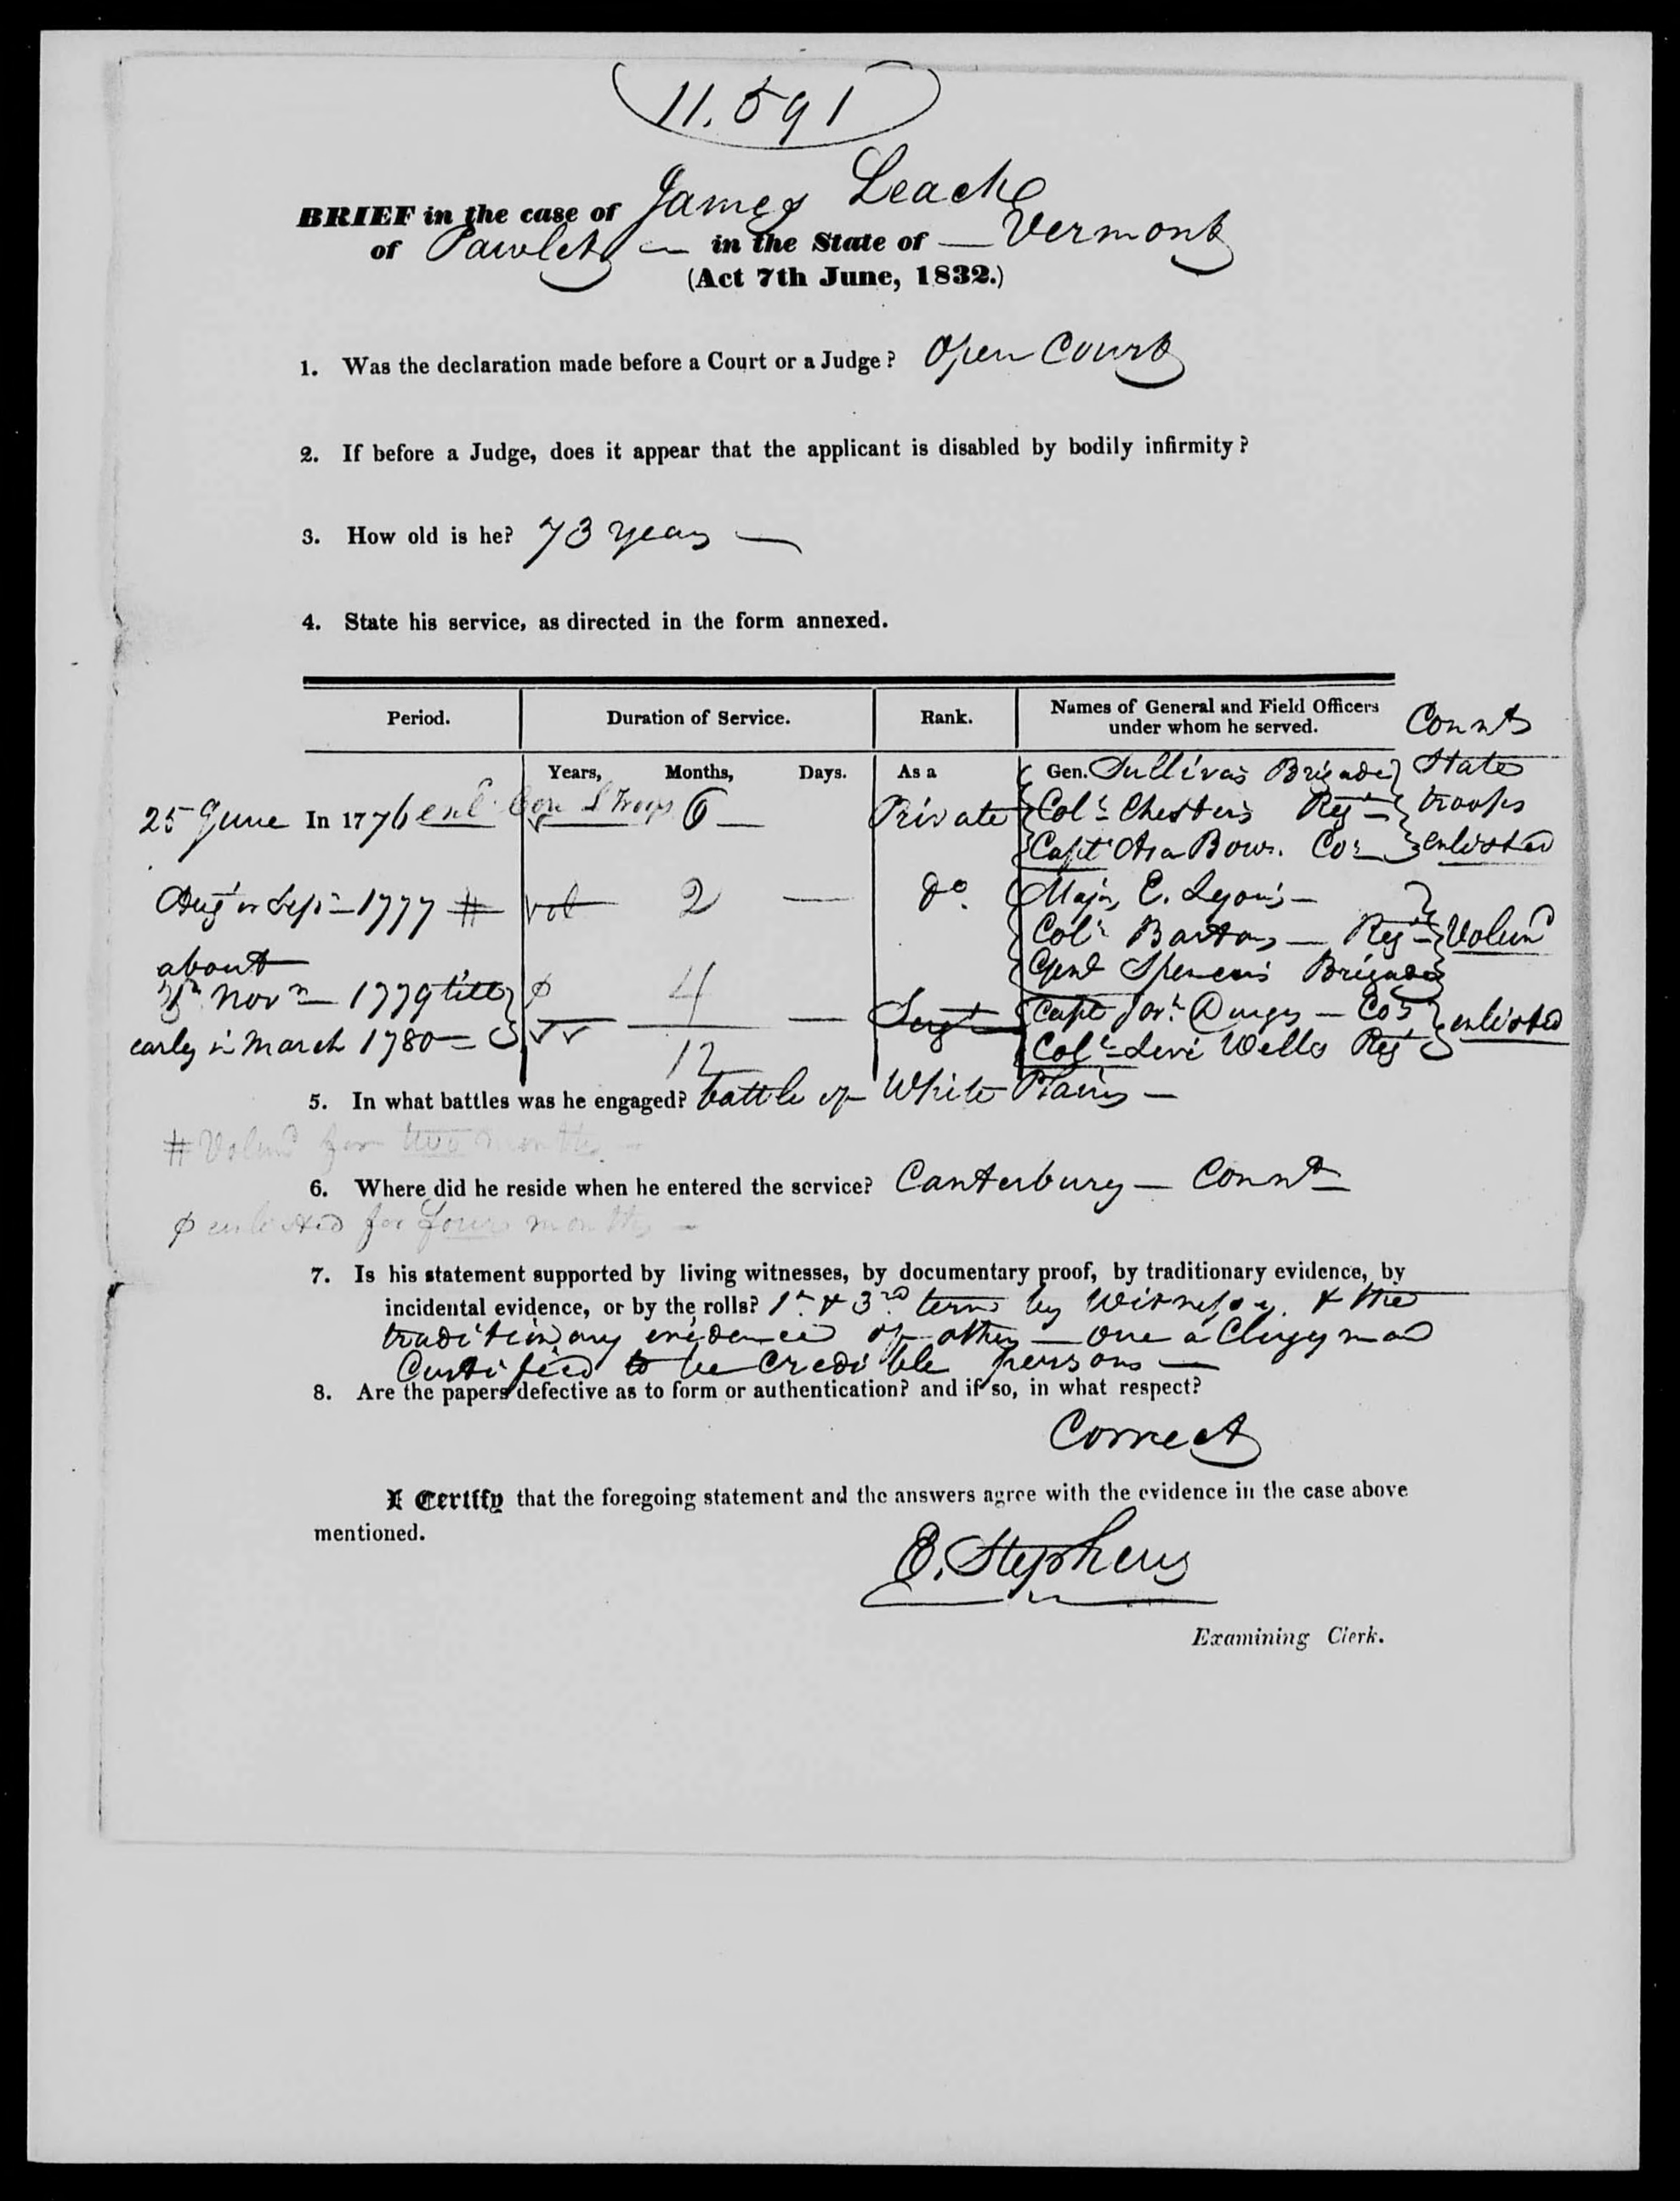11.591
BRIEF in the case of James Leach of Pawlet in the State of Vermont
(Act 7th June, 1832)
1. Was the declaration made before a Court or a Judge? Open Court
2. If before a Judge, does it appear that the applicant is disabled by bodily infirmity?
3. How old is he? 73 years - 
4. State his service, as directed in the form annexed.

[column headings: Period. Duration of Service. Rank. Names of General and Field Officers under whom he served.]
25 June In 1776 enlisted Conn Troops | 6 months | Private | Gen Sullivan's Brigade Col Chester's Reg Capt Asa Bow Com| Conn State troops enlisted
Aug or Sep 1777 vol | 2 months |Major E Lyon, Col Bartons Reg, Gnl Spencer's Brigade | Volunteer
About 1st Nov 1779 till early in March 1780 | 4 months/12 months | Sergt | Capt Jor Dayes Co, Col Levi Wells Reg | enlisted

5. In what battles was he engaged? battle of White Plains
6. Where did he reside when he entered the service? Canterbury Conn
7. Is his statement supported by living witnesses, by documentary proof, by traditionary evidence, by incidental evidence, or by the rolls? 1st & 3rd term by witnesses & the traditionary evidence of others - one a clergyman certified to be credible persons
8. Are the papers defective as to form or authentication? and if so, in what respect? Correct
I Certify that the foregoing statement and the answers agree with the evidence in the case above mentioned.
E. Stephens Examining Clerk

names: E Stephens; James Leach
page: 5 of 27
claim: widow's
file: W. 24,500, for James Leach, Connecticut